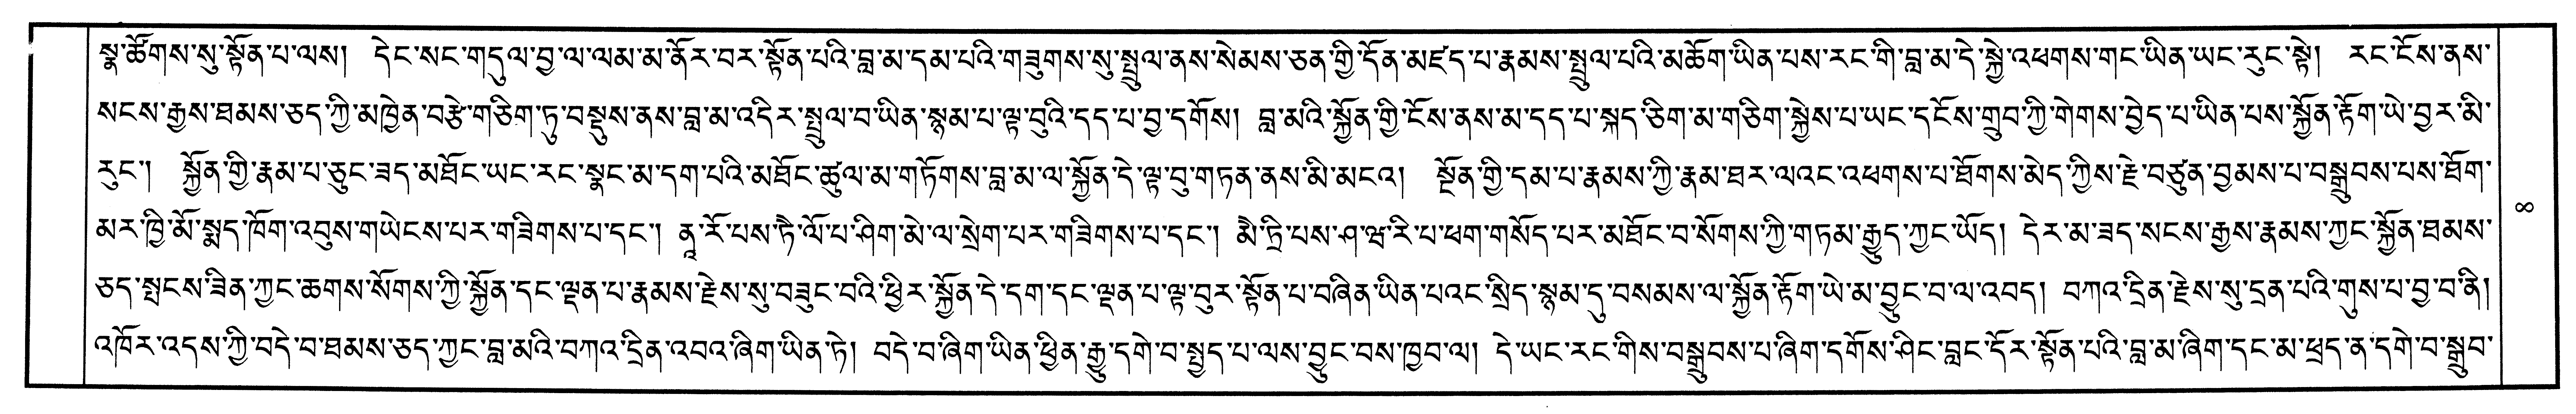སྣ་ཚོགས་སུ་སྟོན་པ་ལས། དེང་སང་གདུལ་བྱ་ལ་ལམ་མ་ནོར་བར་སྟོན་པའི་བླ་མ་དམ་པའི་གཟུགས་སུ་སྤྲུལ་ནས་སེམས་ཅན་གྱི་དོན་མཛད་པ་རྣམས་སྤྲུལ་པའི་མཆོག་ཡིན་པས་རང་གི་བླ་མ་དེ་སྐྱེ་འཕགས་གང་ཡིན་ཡང་རུང་སྟེ། རང་ངོས་ནས་
སངས་རྒྱས་ཐམས་ཅད་ཀྱི་མཁྱེན་བརྩེ་གཅིག་ཏུ་བསྡུས་ནས་བླ་མ་འདིར་སྤྲུལ་བ་ཡིན་སྙམ་པ་ལྟ་བུའི་དད་པ་བྱ་དགོས། བླ་མའི་སྐྱོན་གྱི་ངོས་ནས་མ་དད་པ་སྐད་ཅིག་མ་གཅིག་སྐྱེས་པ་ཡང་དངོས་གྲུབ་ཀྱི་གེགས་བྱེད་པ་ཡིན་པས་སྐྱོན་རྟོག་ཡེ་བྱར་མི་
རུང་། སྐྱོན་གྱི་རྣམ་པ་ཅུང་ཟད་མཐོང་ཡང་རང་སྣང་མ་དག་པའི་མཐོང་ཚུལ་མ་གཏོགས་བླ་མ་ལ་སྐྱོན་དེ་ལྟ་བུ་གཏན་ནས་མི་མངའ། སྔོན་གྱི་དམ་པ་རྣམས་ཀྱི་རྣམ་ཐར་ལའང་འཕགས་པ་ཐོགས་མེད་ཀྱིས་རྗེ་བཙུན་བྱམས་པ་བསྒྲུབས་པས་ཐོག་
མར་ཁྱི་མོ་སྨད་ཁོག་འབུས་གཡེངས་པར་གཟིགས་པ་དང་། ནཱ་རོ་པས་ཏཻ་ལོ་པ་ཤིག་མེ་ལ་སྲེག་པར་གཟིགས་པ་དང་། མཻ་ཏྲི་པས་ཤ་ཝ་རི་པ་ཕག་གསོད་པར་མཐོང་བ་སོགས་ཀྱི་གཏམ་རྒྱུད་ཀྱང་ཡོད། དེར་མ་ཟད་སངས་རྒྱས་རྣམས་ཀྱང་སྐྱོན་ཐམས་
ཅད་སྤངས་ཟིན་ཀྱང་ཆགས་སོགས་ཀྱི་སྐྱོན་དང་ལྡན་པ་རྣམས་རྗེས་སུ་བཟུང་བའི་ཕྱིར་སྐྱོན་དེ་དག་དང་ལྡན་པ་ལྟ་བུར་སྟོན་པ་བཞིན་ཡིན་པའང་སྲིད་སྙམ་དུ་བསམས་ལ་སྐྱོན་རྟོག་ཡེ་མ་བྱུང་བ་ལ་འབད། དཀའ་དྲིན་རྗེས་སུ་དྲན་པའི་གུས་པ་བྱ་བ་ནི།
འཁོར་འདས་ཀྱི་བདེ་བ་ཐམས་ཅད་ཀྱང་བླ་མའི་བཀའ་དྲིན་འབའ་ཞིག་ཡིན་ཏེ། བདེ་བ་ཞིག་ཡིན་ཕྱིན་རྒྱུ་དགེ་བ་སྤྱད་པ་ལས་བྱུང་བས་ཁྱབ་ལ། དེ་ཡང་རང་གིས་བསྒྲུབས་པ་ཞིག་དགོས་ཤིང་བླང་དོར་སྟོན་པའི་བླ་མ་ཞིག་དང་མ་ཕྲད་ན་དགེ་བསྒྲུབ་